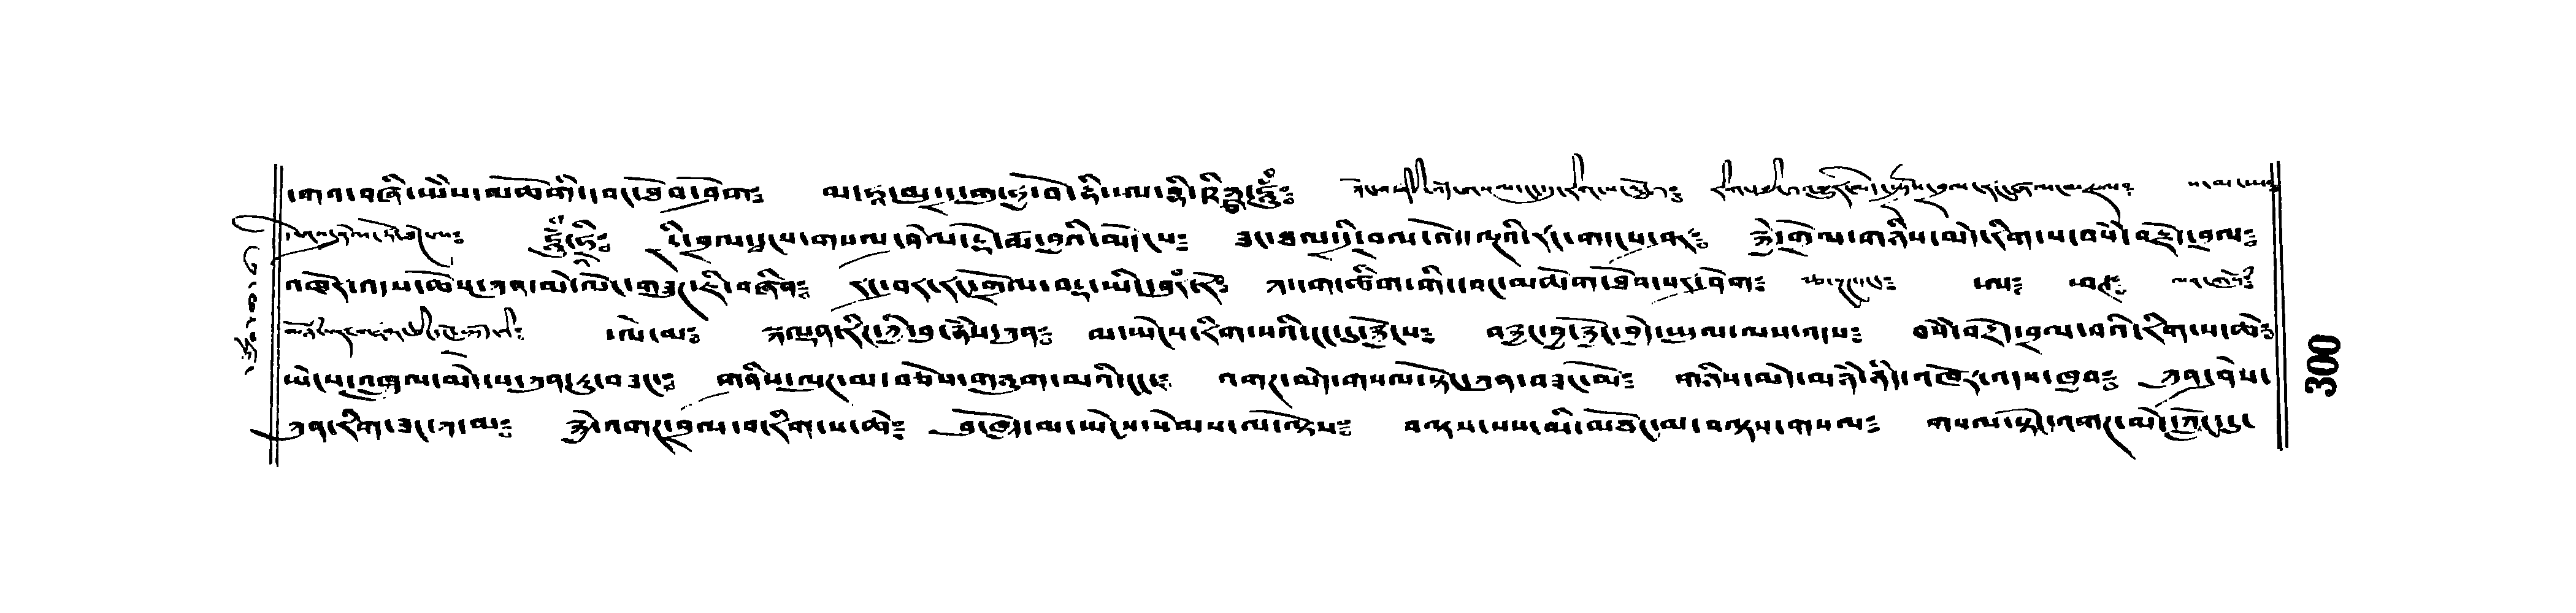དགའ་བཞི་ཡེ་ཤེས་མཆོག་གི་དབང་ཐོབ་ཤོག༔ མ་ཧཱ་མུ་དྲ་གུ་ཧྱ་བྷོ་དྷི་ཨ་བྷི་རིཉྩ་ཧཱུྃ༔ སྟོང་བཞིའི་འོད་གསལ་ངང་དུ་རིག་པ་སྐྱོངས༔ རིག་དབྱིངས་འགྱུར་མེད་སྤྲོས་བྲལ་རང་ཞལ་མཇལ༔ ས་མ་ཡ༔ 
དེ་ནས་ཤེལ་རྡོ་ཐོགས་ལ༔ ཧཱུྃ་ཧྲཱིཿ དྲི་བྲལ་དྭངས་གསལ་ཤེལ་རྡོ་རྨ་བྱའི་མདོངས༔ ཟང་ཐལ་དྲི་བྲལ་འདོད་ལྔའི་རང་གདངས་ཤར༔ སྐྱེ་གྲོལ་གཉིས་མེད་རིག་པ་བསམ་བརྗོད་བྲལ༔ 
འཁོར་འདས་ཆོས་ཀུན་མེ་ལོང་གཟུགས་ཇི་བཞིན༔ རང་ཤར་རང་གྲོལ་བརྡ་ཡིད་དབང་བསྐུར་རོཿ ཀ་དག་ཚིག་གི་དབང་མཆོག་ཐོབ་པར་ཤོག༔ རྩ་སྔགས་དང༔ ཨཱཿ ཕཊ༔ ལན་གསུམ༔ 
མཉམ་པར་བཞག་ཅིང་ངོ་སྤྲོད་ནི༔ ཨེ་མ༔ སྐལ་ལྡན་རིགས་ཀྱི་བུ་རྣམས་ཀུན༔མ་ཡེངས་རིག་པའི་ངང་དུ་སྐྱོངས༔ བསྐྱང་བྱ་སྐྱོང་བྱེད་ཡུལ་ལས་འདས༔ བསམ་བརྗོད་བྲལ་བའི་རིག་པ་ཆེ༔ 
ཡེངས་འཁྲུལ་མེད་པ་ཀུན་ཏུ་བཟང༔ གཤིས་ལུགས་མ་བཅོས་གཉུག་མའི་ངང༔ འགགས་མེད་གསལ་སྟོང་ཀུན་བཟང་མོ༔ གཉིས་མེད་མཉམ་ཉིད་འཁོར་འདས་ཁྱབ༔ ཀུན་ཤེས་
ཀུན་རིག་ཟང་ཀ་མ༔ སྐྱེ་འགགས་བྲལ་བ་རིག་པ་ཆེ༔ བུ་ཁྱོད་མ་ཡེངས་སེམས་ལ་ལྟོས༔ བལྟས་པས་མི་མཐོང་མ་བལྟས་གསལ༔ གསལ་སྟོང་འགགས་མེད་ཀློང་དུ་